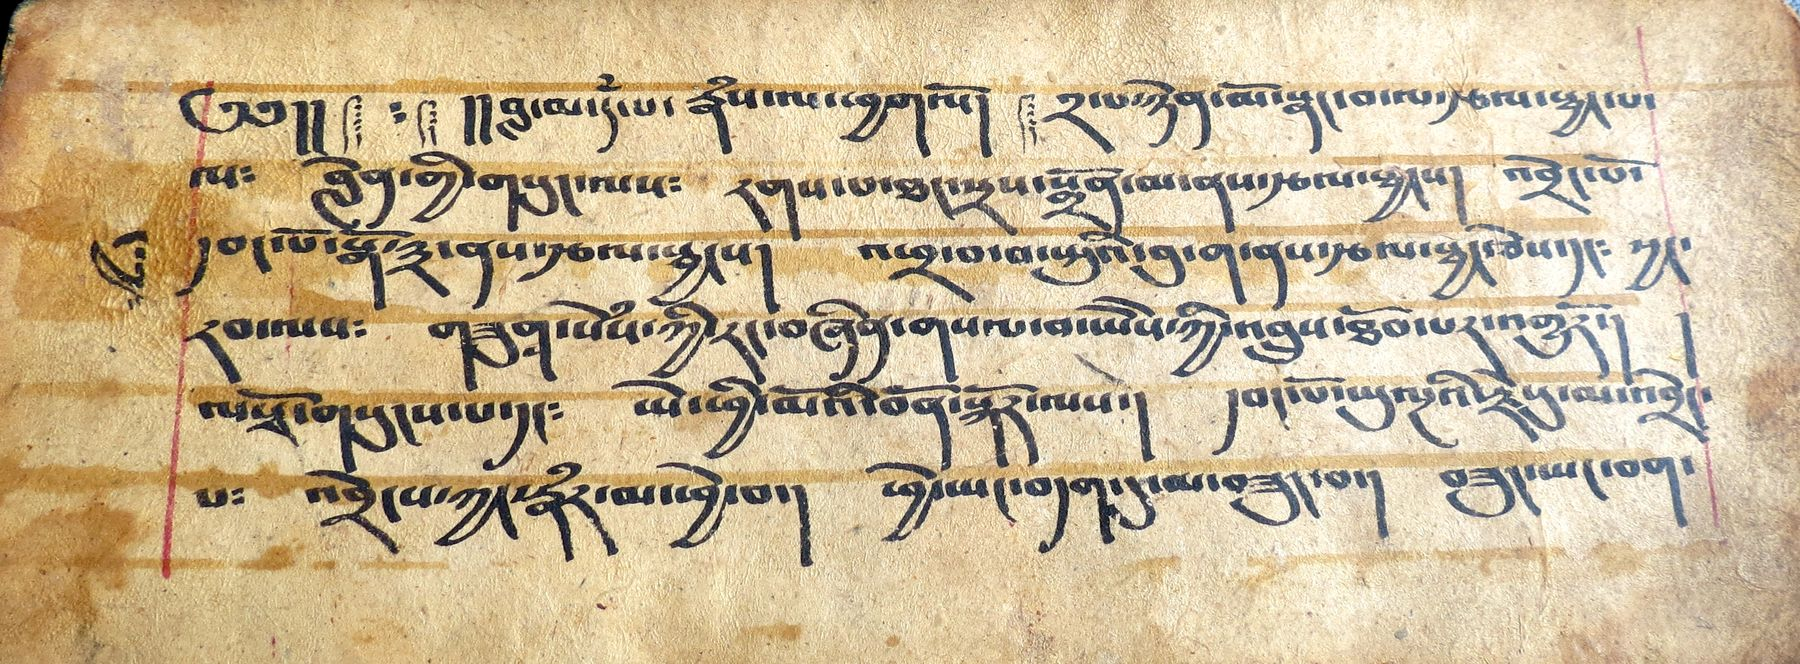བླ་མ་དམ་པ་རྣམས་ལ་ཕྱག་འཚལ་ལོ། གཉིས་པ་ཉིན་མོ་སྣང་བ་ལ་རྩལ་སྦྱངས་པ
་ལ། བླ་ཆེན་གྱི་གསུང་ལས། རགས་པ་མཐོང་གསལ་སྒྲོན་མ་ནས་རྩལ་སྦྱངས། འབྲིང་པོ་
དབང་པོ་སྒོ་བཞི་༼གསུམ༽ནས་རྩལ་སྦྱངས། ཕྲ་བ་བ་སྤུའི་བུ་ག་ནས་རྩལ་སྦྱངས། ཞེས་དང་། གསུང་
རབ་ལས། གཟུགས་སེམས་ཀྱི་རང་བཞིན་གསལ་བ་ཡེ་ཤེས་ཀྱི་འབྲས་བུ་དེ་ནི་ཐོབ་པར་འགྱུར་རོ་
ལ་སོགས་གསུངས་པ་དང་། ཡེ་ཕྱི་མོའི་བོན་སྐོར་ལས། དབང་པོ་ཡུལ་ལྔའི་རྗེས་སུ་མ་འབྲེངས་
བ། འབྲེངས་ཀྱང་རྣམ་པར་མ་ཕྱེ་བ། ཕྱེ་ཡང་བདག་ཏུ་མ་བཟུང་བ། བཟུངས་ཀྱང་བག་